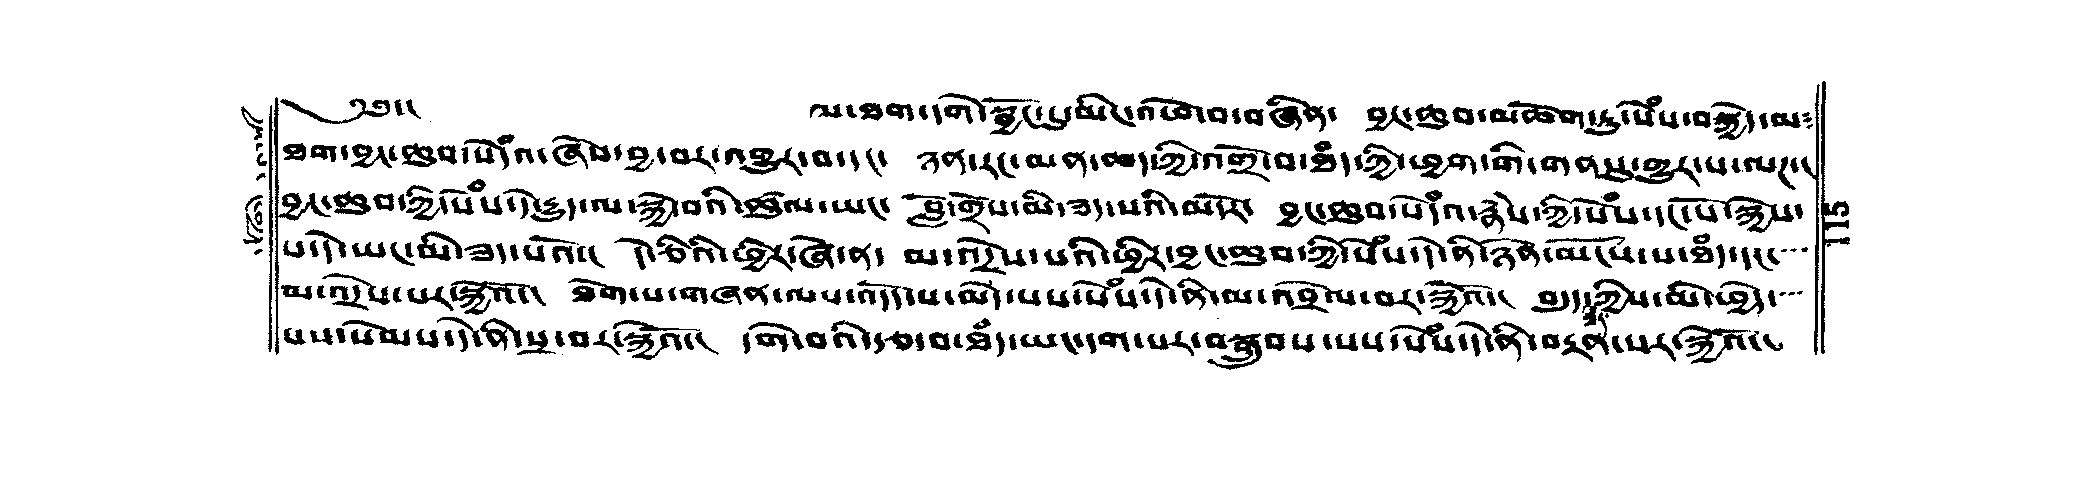མ་ཐག་དགེ་སྦྱོང་དུ་མིང་འཕོ་བ་བཞིན། བྱང་ཆུབ་མཆོག་ཏུ་སེམས་བསྐྱེད་མ་
ཐག་བྱང་ཆུབ་སེམས་དཔའ་ཞེས་བྱ་བར་འགྱུར་བ་དང་། ཉན་རང་མན་ཆད་ཀྱི་འགྲོ་བ་ཐམས་ཅད་ཀྱི་ཕྱག་གི་གནས་སུ་གྱུར་པ་ལགས། 
བྱང་ཆུབ་ཀྱི་སེམས་དེ་རྒྱུད་ལ་སྐྱེ་བའི་ཚུལ་ཡང་། བློ་གྲོས་མི་ཟད་པའི་མོདར། བྱང་ཆུབ་སེམས་དཔའ་རྣམས་ཀྱི་སེམས་དང་པོ་སྐྱེས་
པ་དེ་ཡང་མི་ཟད་པའོ། དེ་ཅིའི་ཕྱིར་ཞེ་ན། མ་འདྲེས་པའི་ཕྱིར་བྱང་ཆུབ་ཀྱི་སེམས་དེ་ནི་ཉོན་མོངས་པ་ཐམས་ཅད་དང་
མ་འདྲེས་པར་སྐྱེའོ། ཐེག་པ་གཞན་ལས་འདོད་པ་མེད་པས་སེམས་དེ་ནི་མ་འབྲེལ་བར་སྐྱེའོ། བདུད་ཐད་ཀྱིས་མི་ཕྱེད་
པས་སེམས་དེ་ནི་སྲ་བར་སྐྱེའོ། དགེ་བའི་རྩ་བ་ཐམས་ཅད་ཡང་དག་པར་བསྒྲུབས་པས་སེམས་དེ་ནི་བརྟན་ནས་སྐྱེའོ།